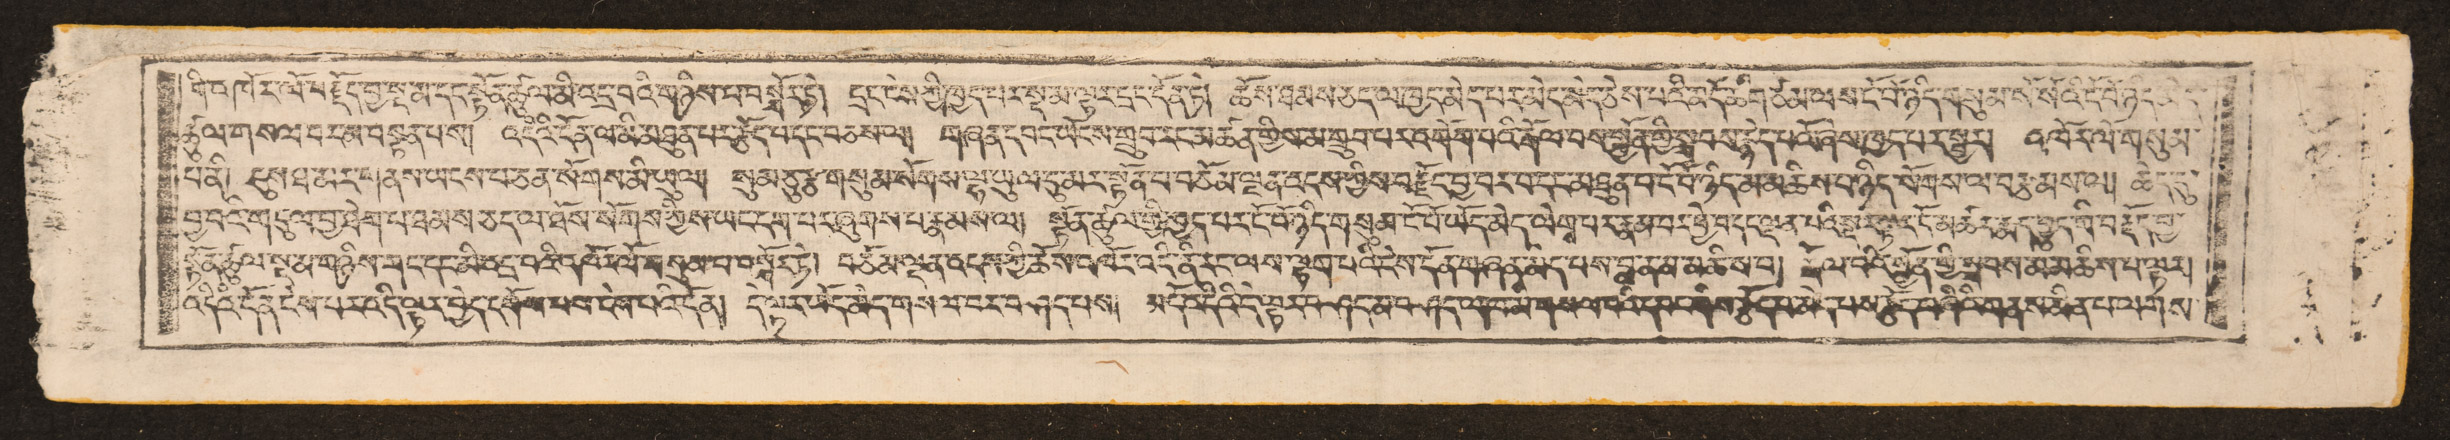གི་འཁོར་ལོ་བརྗོད་བྱ་སྔ་མ་དང་སྟོན་ཚུལ་མི་འདྲ་བའི་གཉིས་པ་བསྐོར་ཏེ། དྲང་ངེས་ཀྱི་ཁྱད་པར་སྔ་མ་ལྟར་དྲང་དོན་ཏེ། ཆོས་ཐམས་ཅད་ལ་ཁྱད་མེད་པར་མེད་མེད་ཅེས་པའི་མདོ་ཚིག་ཙམ་ལས་ངོ་བོ་ཉིད་གསུམ་སོ་སོའི་ངོ་བོ་ཉིད་མེད་
ཚུལ་གསལ་བར་མ་བསྟན་པས། འདིའི་དོན་ལ་མི་མཐུན་པར་རྩོད་པ་དང་བཅས་ལ། གཞན་དབང་ཡོངས་གྲུབ་རང་མཚན་གྱིས་མ་གྲུབ་པར་འགོག་པའི་རྒོལ་བས་སྐྱོན་གྱི་སྐབས་རྙེད་པའོ་ཞེས་ཁྱད་པར་སྦྱར། འཁོར་ལོ་གསུམ་
པ་ནི། དུས་ཐ་མར་གནས་ཡངས་པ་ཅན་སོགས་མི་ཡུལ། སུམ་ཅུ་རྩ་གསུམ་སོགས་ལྷ་ཡུལ་དུ་མར་སྟོན་པ་བཅོམ་ལྡན་འདས་ཀྱིས་བརྗོད་བྱ་བར་བ་དང་མཐུན་པ་ངོ་བོ་ཉིད་མ་མཆིས་པ་ཉིད་སོགས་ལ་བརྩམས་ལ། ཆེད་དུ་
བྱ་བའི་གདུལ་བྱ་ཐེག་པ་ཐམས་ཅད་ལ་ཐོས་སོགས་ཀྱིས་ཡང་དག་པར་ཞུགས་པ་རྣམས་ལ། སྟོན་ཚུལ་གྱི་ཁྱད་པར་ངོ་བོ་ཉིད་གསུམ་ངོ་བོ་ཡོད་མེད་ལེགས་པར་རྣམ་པར་ཕྱེ་བ་དང་ལྡན་པའི་སྔར་ལྟར་ངོ་མཚར་རྨད་བྱུང་གི་བརྗོད་བྱ་
སྟོན་ཚུལ་སྔ་མ་གཉིས་གང་དང་མི་འདྲ་བའི་འཁོར་ལོ་གསུམ་པ་བསྐོར་ཏེ། བཅོམ་ལྡན་འདས་ཀྱི་ཆོས་འཁོར་འདི་ནི་རང་ལས་ལྷག་པའི་ངེས་དོན་གཞན་མེད་པས་བླ་ན་མ་མཆིས་པ། རྒོལ་བའི་སྐྱོན་གྱི་སྐབས་མ་མཆིས་པ་ལྟར།
འདིའི་དོན་ངེས་པར་འདི་ལྟར་བྱེད་དགོས་པས་ངེས་པའི་དོན། དེ་ལྟར་ཡོད་མེད་གསལ་བར་བཤད་པས། མདོ་འདིའི་དེ་ལྟར་བཤད་མ་བཤད་ལ་ཁ་མི་གསལ་བའི་དབང་གིས་རྩོད་པ་མེད་པས་རྩོད་གཞིའི་གནས་མིན་པ་ལགས་